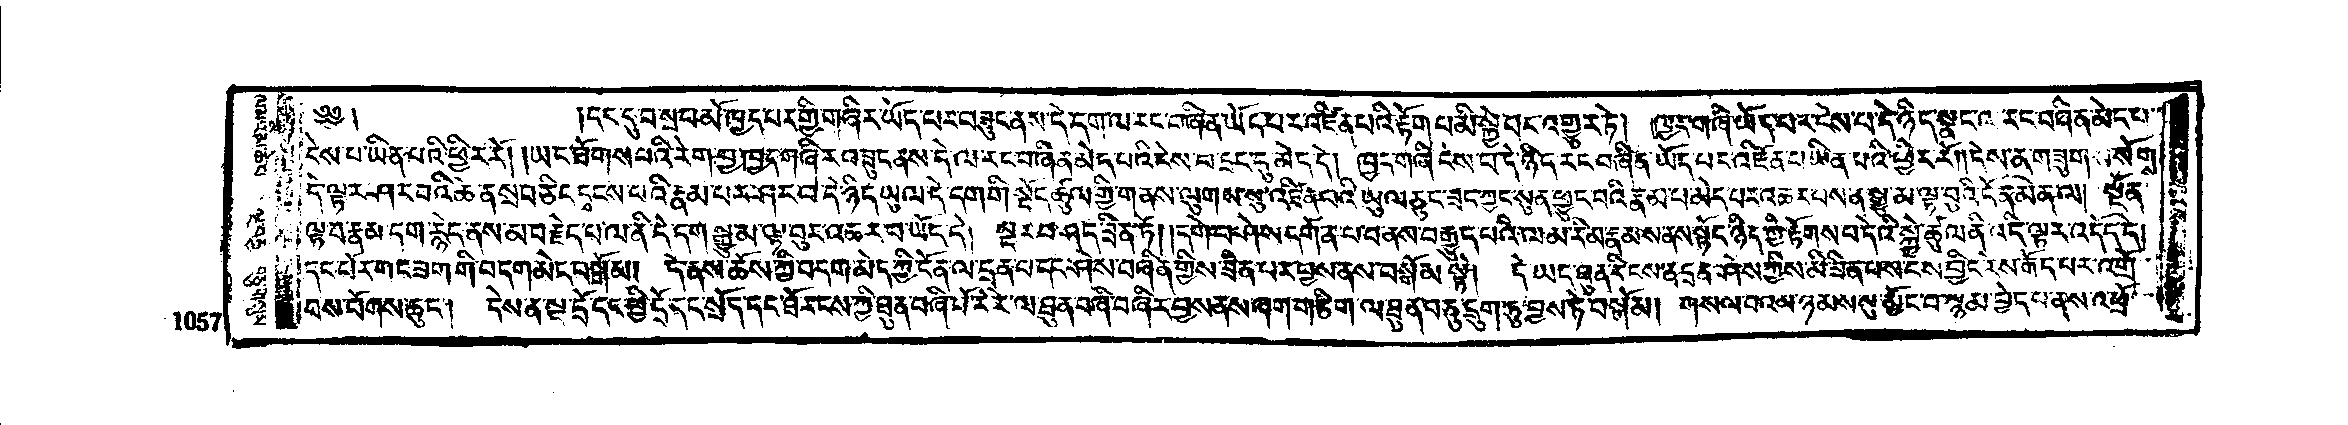༄༅། །དང་དུ་བ་སྲབ་མོ་ཁྱད་པར་གྱི་གཞིར་ཡོད་པར་བཟུང་ནས་དེ་དག་ལ་རང་བཞིན་ཡོད་པར་འཛིན་པའི་རྟོག་པ་མི་སྐྱེ་བར་འགྱུར་ཏེ། ཁྱད་གཞི་ཡོད་པར་ངེས་པ་དེ་ཉིད་སྣང་ལ་རང་བཞིན་མེད་པ་
ངེས་པ་ཡིན་པའི་ཕྱིར་རོ། །ཡང་ཐོགས་པའི་རེག་བྱ་ཁྱད་གཞིར་བཟུང་ནས་དེ་ལ་རང་བཞིན་མེད་པའི་ངེས་པ་དྲང་དུ་མེད་དེ། ཁྱད་གཞི་ངེས་པ་དེ་ཉིད་རང་བཞིན་ཡོད་པར་འཛིན་པ་ཡིན་པའི་ཕྱིར་རོ། །དེས་ན་གཟུགས་སོགས་
དེ་ལྟར་ཤར་བའི་ཚེ་ན་སྲབ་ཅིང་དྭངས་པའི་རྣམ་པར་ཤར་བ་དེ་ཉིད་ཡུལ་དེ་དག་གི་སྡོད་ཚུལ་གྱི་གནས་ལུགས་སུ་འཛིན་པའི་ཡུལ་ཅུང་ཟད་ཀྱང་སུན་ཕྱུང་བའི་རྣམ་པ་མེད་པར་འཆར་བས་ན་སྒྱུ་མ་ལྟ་བུའི་དོན་མིན་ལ། སྔོན་
ལྟ་བ་རྣམ་དག་རྙེད་ནས་མ་བརྗེད་པ་ལ་ནི་དེ་དག་སྒྱུ་མ་ལྟ་བུར་འཆར་བ་ཡོད་དེ། སྔར་བཤད་ཟིན་ཏོ། །དགེ་བཤེས་དགོན་པ་བ་ནས་བརྒྱུད་པའི་ལམ་རིམ་རྣམས་ནས་སྟོང་ཉིད་ཀྱི་རྟོགས་པ་དེའི་སྐྱེ་ཚུལ་ནི་འདི་ལྟར་འདོད་དེ།
དང་པོར་གང་ཟག་གི་བདག་མེད་བསྒོམ། དེ་ནས་ཆོས་ཀྱི་བདག་མེད་ཀྱི་དོན་ལ་དྲན་པ་དང་ཤེས་བཞིན་གྱིས་ཟིན་པར་བྱས་ནས་བསྒོམ་སྟེ། དེ་ཡང་ཐུན་རིངས་ན་དྲན་ཤེས་ཀྱིས་མི་ཟིན་པས་རེས་བྱིང་རེས་རྒོད་པར་འགྲོ་
བས་བོགས་ཆུང་། དེས་ན་སྔ་དྲོ་དང་ཕྱི་དྲོ་དང་སྲོད་དང་ཐོ་རངས་ཀྱི་ཐུན་བཞི་པོ་རེ་རེ་ལ་ཐུན་བཞི་བཞིར་བྱས་ནས་ཞག་གཅིག་ལ་ཐུན་བཅུ་དྲུག་ཏུ་བྱས་ཏེ་བསྒོམ། གསལ་བའམ་ཉམས་སུ་མྱོང་བ་སྙམ་བྱེད་པ་ནས་འཕྲོ་